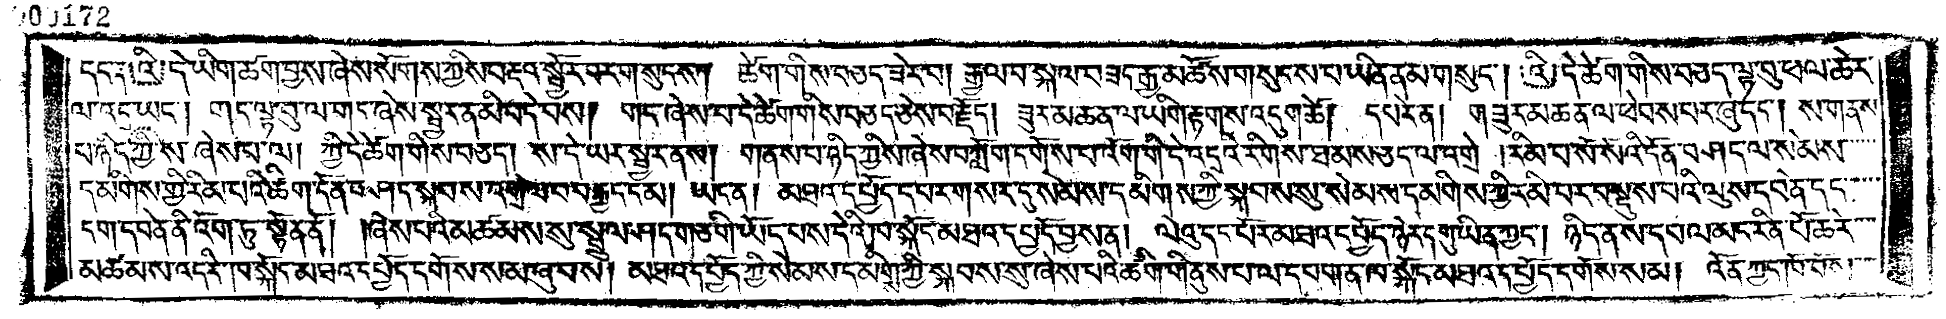དང་། འི་དེ་ཡིག་ཚག་བྱས་ཞེས་སོགས་ཀྱིས་བརྡའ་སྦྱོར་བར་གསུངས། ཚེག་གིས་བཅད་ཟེར་བ། རྒྱལ་བ་སྐལ་བཟང་རྒྱ་མཚོས་གསུངས་པ་ཡིན་ནམ་གསུང་། འི་དེ་ཚིག་གིས་བཅད་ལྟ་བུ་ཕལ་ཆེར་
ལ་འདྲ་ཡང་། གང་ལྟ་བུ་ལ་གང་ཞེས་སྦྱར་ན་མི་བདེ་བས། གང་ཞེས་པ་དེ་ཚེག་གིས་བཅད་ཅེས་བརྗོད། ཟུར་མཆན་ལ་ཡིག་རྟགས་འདུག་ཚེ། དཔེར་ན། གཟུར་མཆན་ལ་ཕེབས་པར་ཞུ་དང་། ས་གནས་
པ་ཉིད་ཀྱི་ས་ཞེས་པ་ལ། ཀྱི་དེ་ཚིག་གིས་བཅད། ས་དེ་ཡར་སྦྱར་ནས། གནས་པ་ཉིད་ཀྱིས་ཞེས་བཀློག་དགོས་པ་འོག་གི་དེ་འདྲའི་རིགས་ཐམས་ཅད་ལ་འགྲེ་།རིམ་པ་སོ་སོའི་དོན་བཤད་ལ་སེམས་
དམིགས་ཀྱི་རིམ་པའི་ཚིག་དོན་བཤད་སྐབས་འགྲེལ་བ་བརྐྱང་ངམ། ཡང་ན། མཐའ་དཔྱོད་དཔར་གསར་དུ་སེམས་དམིགས་ཀྱི་སྐབས་སུ་སེམས་དམིགས་ཀྱི་རིམ་པར་བསྡུས་པའི་ལུས་དབེན་དང་
ངག་དབེན་ནི་འོག་ཏུ་སྟོན་ནོ། །ཞེས་པའི་མཚམས་སུ་སྦྲུལ་ཤད་གཅིག་ཡོད་པས་དེའི་ཁ་སྐོང་མཐའ་དཔྱོད་བྱས་ན། ལེའུ་དང་པོར་མཐའ་དཔྱོད་ཉེར་དགུ་ཡིན་ཀྱང་། ཉིད་ནས་དཔལ་མང་རིན་པོ་ཆེར་
མཚམས་འདིར་ཁ་སྐོང་མཐའ་དཔྱོད་དགོས་སམ་ཞུ་བས། མཐའ་དཔྱོད་ཀྱི་སེམས་དམིགས་ཀྱི་སྐབས་སུ་ཞེས་པའི་ཚིག་གི་ནུས་པ་ལ་དཔག་ན་ཁ་སྐོང་མཐའ་དཔྱོད་དགོས་སམ། འོན་ཀྱང་ཁོ་བོས་